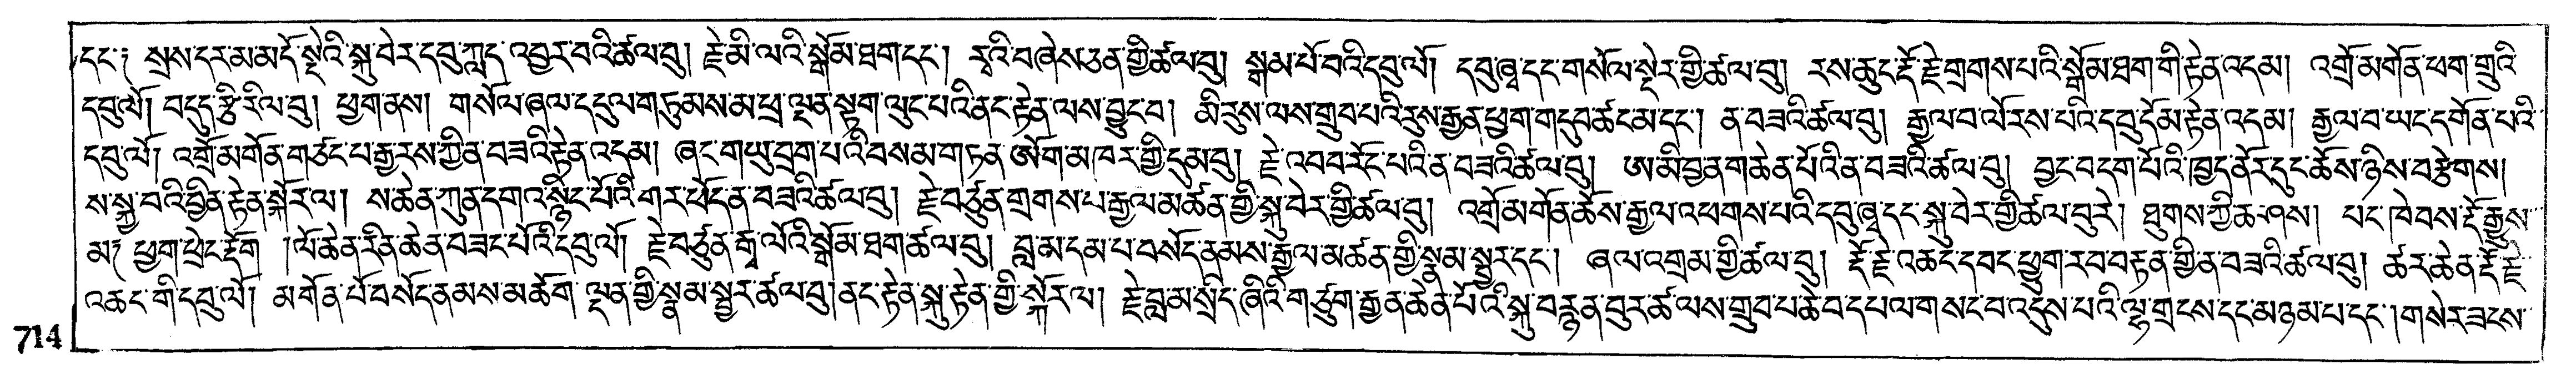དང༑ སྲས་དར་མ་མདོ་སྡེའི་སྐུ་བེར་དབུ་ཀླད་འབྱར་བའི་ཚལ་བུ། རྗེ་མི་ལའི་སྒོམ་ཐག་དང་། རྭའི་བཞེས་ཅན་གྱི་ཚལ་བུ། སྒམ་པོ་པའི་དབུ་ལོ། དབུ་ཞྭ་དང་གསོལ་སྡེར་གྱི་ཚལ་བུ། རས་ཆུང་རྡོ་རྗེ་གྲགས་པའི་སྒོམ་ཐག་གི་རྟེན་འདམ། འགྲོ་མགོན་ཕག་གྲུའི་
དབུ་ལོ། བདུད་རྩི་རིལ་བུ། ཕྱག་ནས། གསོལ་ཞལ་དངུལ་གཏུམས་མ་ཕྲ་ལྡན་སྟག་ལུང་པའི་ནང་རྟེན་ལས་བྱུང་བ། མི་རུས་ལས་གྲུབ་པའི་རུས་རྒྱན་ཕྱག་གདུབ་ཚང་མ་དང་། ན་བཟའི་ཚལ་བུ། རྒྱལ་བ་ལོ་རས་པའི་དབུ་དོམ་རྟེན་འདམ། རྒྱལ་བ་ཡང་དགོན་པའི་
དབུ་ལོ། འགྲོ་མགོན་གཙང་པ་རྒྱ་རས་ཀྱི་ན་བཟའི་རྟེན་འདམ། ཞང་གཡུ་བྲག་པའི་བསམ་གཏན་ཨོག་མཁར་གྱི་དུམ་བུ། རྗེ་འབབ་རོང་བའི་ན་བཟའི་ཚལ་བུ། ཨ་མི་བྱ་ནག་ཆེན་པོའི་ན་བཟའི་ཚལ་བུ། བྱང་བདག་བོའི་ཁྱད་ནོར་དུང་ཆོས་ཉིས་བརྩེགས།
ས་སྐྱ་བའི་བྱིན་རྟེན་སྐོར་ལ། ས་ཆེན་ཀུན་དགའ་སྙིང་པོའི་གར་ཕོད་ན་བཟའི་ཚལ་བུ། རྗེ་བཙུན་གྲགས་བ་རྒྱལ་མཚན་གྱི་སྐུ་བེར་གྱི་ཚལ་བུ། འགྲོ་མགོན་ཆོས་རྒྱལ་འཕགས་པའི་དབུ་ཞྭ་དང་སྐུ་བེར་གྱི་ཚལ་བུ་རེ། ཐུགས་ཀྱི་ཆ་ཤས། པང་ཁེབས་རྡོ་རྒྱུས་
མ༑ ཕྱག་ཕྲེང་རྡོག །ལོ་ཆེན་རིན་ཆེན་བཟང་པོའི་དབུ་ལོ། རྗེ་བཙུན་རྒྭ་ལོའི་སྒོམ་ཐག་ཚལ་བུ། བླ་མ་དམ་པ་བསོད་ནམས་རྒྱལ་མཚན་གྱི་སྣམ་སྦྱར་དང་། ཞལ་འགྲམ་གྱི་ཚལ་བུ། རྡོ་རྗེ་འཆང་དབང་ཕྱུག་རབ་བརྟན་གྱི་ན་བཟའི་ཚལ་བུ། ཚར་ཆེན་རྡོ་རྗེ་
འཆང་གི་དབུ་ལོ། མགོན་པོ་བསོད་ནམས་མཆོག་ལྡན་གྱི་སྣམ་སྦྱར་ཚལ་བུ། ནང་རྟེན་སྐུ་རྟེན་གྱི་སྐོར་ལ། རྗེ་བླ་མ་སྲིད་ཞིའི་གཙུག་རྒྱན་ཆེན་པོའི་སྐུ་བརྙན་བུར་ཚ་ལས་གྲུབ་པ་ཆེ་བ་དཔལ་གསང་བ་འདས་པའི་ལྷ་གྲངས་དང་མཉམ་པ་དང་། གསེར་ཟངས་